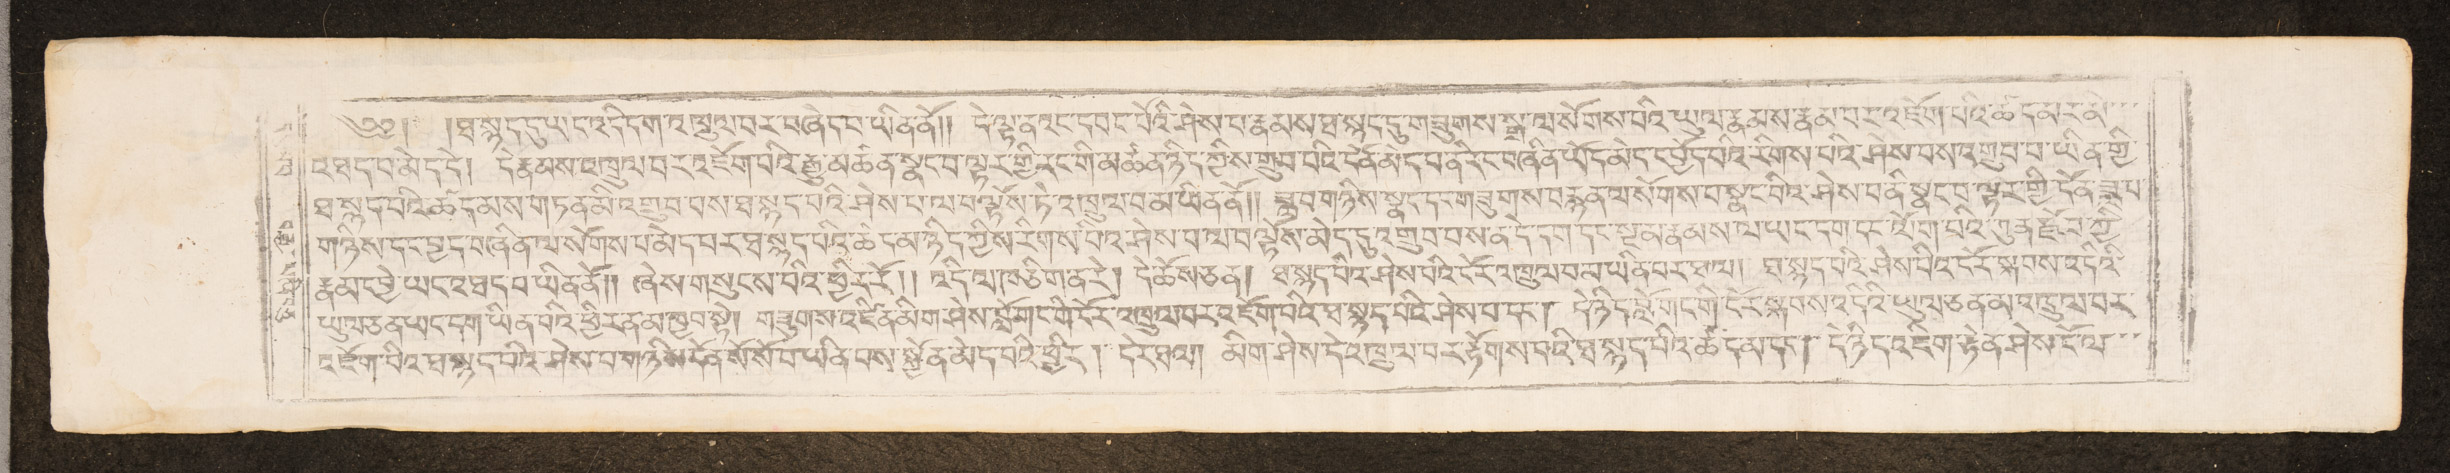༄༅། །ཐ་སྙད་དུ་ཡང་འདི་དག་འཁྲུལ་བར་བཞེད་པ་ཡིན་ནོ།། དེ་ལྟ་ནའང་དབང་པོའི་ཤེས་པ་རྣམས་ཐ་སྙད་དུ་གཟུགས་སྒྲ་ལ་སོགས་པའི་ཡུལ་རྣམས་རྣམ་པར་འཇོག་པའི་ཚད་མར་མི་
འཐད་བ་མེད་དེ། དེ་རྣམས་འཁྲུལ་བར་འཇོག་པའི་རྒྱུ་མཚན་སྣང་བ་ལྟར་གྱི་རང་གི་མཚན་ཉིད་ཀྱིས་གྲུབ་པའི་དོན་མེད་པ་ནི་རང་བཞིན་ཡོད་མེད་དཔྱོད་པའི་རིགས་པའི་ཤེས་པས་འགྲུབ་པ་ཡིན་གྱི་
ཐ་སྙད་པའི་ཚད་མད་གཏན་མི་འགྲུབ་པས་ཐ་སྙད་པའི་ཤེས་པ་ལ་བལྟོས་ཏེ་འཁྲུལ་བ་མ་ཡིན་ནོ།། ཟླ་བ་གཉིས་སྣང་དང་གཟུགས་བརྙན་ལ་སོགས་པ་སྣང་བའི་ཤེས་པ་ནི་སྣང་བ་ལྟར་གྱི་དོན་ཟླ་པ་
གཉིས་དང་བྱད་བཞིན་ལ་སོགས་པ་མེད་པར་ཐ་སྙད་པའི་ཚད་མ་ཉིད་ཀྱིས་རིགས་པའི་ཤེས་པ་ལ་བལྟོས་མེད་དུ་འགྲུབ་པས་ན་དེ་དག་དང་སྔ་མ་རྣམས་ལ་ཡང་དག་དང་ལོག་པའི་ཀུན་རྫོབ་ཀྱི་
རྣམ་དབྱེ་ཡང་འཐད་པ་ཡིན་ནོ།། ཞེས་གསུངས་པའི་ཕྱིར་རོ།། འདི་ལ་ཁ་ཅིག་ན་རེ། དེ་ཆོས་ཅན། ཐ་སྙད་པའི་ཤེས་པའི་ངོར་འཁྲུལ་བ་མ་ཡིན་པར་ཐལ། ཐ་སྙད་པའི་ཤེས་པའི་དོར་སྐབས་འདིའི་
ཡུལ་ཅན་ཡང་དག་ཡིན་པའི་ཕྱིར་ན་མ་ཁྱབ་སྟེ། གཟུགས་འཛིན་མིག་ཤེས་བློ་གང་གི་ངོར་འཁྲུལ་བར་འཇོག་པའི་ཐ་སྙད་པའི་ཤེས་པ་དང་། དེ་ཉིད་བློ་གང་གི་ངོར་སྐབས་འདིའི་ཡུལ་ཅན་མ་འཁྲུལ་བར་
འཇོག་པའི་ཐ་སྙད་བའི་ཤེས་པ་གཉིས་དོན་སོ་སོ་བ་ཡིན་པས་སྐྱོན་མེད་པའི་ཕྱིར། དེར་ཐླ་མིག་ཤེས་དེ་འཁྲུལ་བར་རྟོགས་པའི་ཐ་སྙད་པའི་ཚད་མ་དང་། དེ་ཉིད་འཇིག་རྟེན་ཤེས་ངོ་ལ་